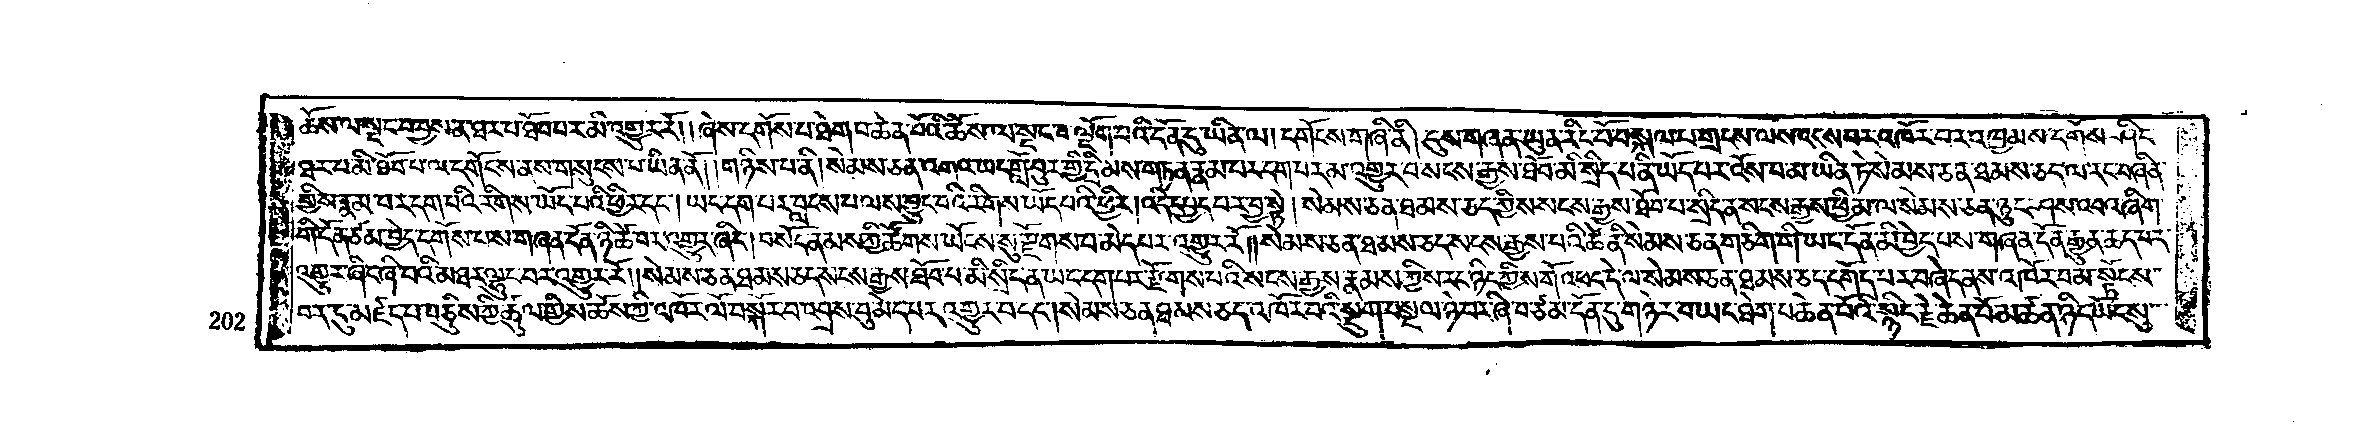ཆོས་ལ་སྡང་བ་བྱས་ན་ཐར་པ་ཐོབ་པར་མི་འགྱུར་རོ། །ཞེས་དགོས་པ་ཐེག་པ་ཆེན་པོའི་ཆོས་ལ་སྡང་བ་ལྡོག་པའི་དོན་དུ་ཡིན་ལ། དགོངས་གཞི་ནི། དུས་གཞན་ཡུན་རིང་པོ་བསྐལ་པ་གྲངས་ལས་འདས་པར་འཁོར་བར་འཁྱམས་དགོས་ཤིང་
ཐར་པ་མི་ཐོབ་པ་ལ་དགོངས་ནས་གསུངས་པ་ཡིན་ནོ། །གཉིས་པ་ནི། སེམས་ཅན་འགའ་ཡང་གློ་བུར་གྱི་དྲི་མས་གཏན་རྣམ་པར་དག་པར་མ་འགྱུར་བ་སངས་རྒྱས་ཐོབ་མི་སྲིད་པ་ནི་ཡོད་པར་འོས་པ་མ་ཡིན་ཏེ་སེམས་ཅན་ཐམས་ཅད་ལ་རང་བཞིན་
གྱིས་རྣམ་པར་དག་པའི་རིགས་ཡོད་པའི་ཕྱིར་དང་། ཡང་དག་པར་བླངས་པ་ལས་བྱུང་བའི་རིགས་ཡོད་པའི་ཕྱིར། འདི་དཔྱད་པར་བྱ་སྟེ། སེམས་ཅན་ཐམས་ཅད་ཀྱིས་སངས་རྒྱས་ཐོབ་པ་སྲིད་ན་སངས་རྒྱས་ཕྱི་མ་ལ་སེམས་ཅན་ཉུང་ཤས་འབའ་ཞིག་
གི་དོན་ཙམ་བྱེད་དགོས་པས་གཞན་དོན་ཉི་ཚེ་བར་འགྱུར་ཞིང་། བསོད་ནམས་ཀྱི་ཚོགས་ཡོངས་སུ་རྫོགས་པ་མེད་པར་འགྱུར་རོ། །སེམས་ཅན་ཐམས་ཅད་སངས་རྒྱས་པའི་ཚེ་ནི་སེམས་ཅན་གཅིག་གི་ཡང་དོན་མི་བྱེད་པས་གཞན་དོན་རྒྱུན་ཆད་པར་
འགྱུར་ཞིང་ཞི་བའི་མཐར་ལྷུང་བར་འགྱུར་རོ། །སེམས་ཅན་ཐམས་ཅད་སངས་རྒྱས་ཐོབ་པ་མི་སྲིད་ན་ཡང་དག་པར་རྫོགས་པའི་སངས་རྒྱས་རྣམས་ཀྱིས་རང་ཉིད་ཀྱིས་གོ་འཕང་དེ་ལ་སེམས་ཅན་ཐམས་ཅད་དགོད་པར་བཞེད་ནས་འཁོར་བ་མ་སྟོངས་
བར་དུ་མཛད་པ་བཅུ་གཉིས་ཀྱི་ཚུལ་གྱིས་ཆོས་ཀྱི་འཁོར་ལོ་བསྐོར་བ་འབྲས་བུ་མེད་པར་འགྱུར་བ་དང་། སེམས་ཅན་ཐམས་ཅད་འཁོར་བའི་སྡུག་བསྔལ་ཉེ་བར་ཞི་བ་ཙམ་དོན་དུ་གཉེར་བ་ཡང་ཐེག་པ་ཆེན་པོའི་སྙིང་རྗེ་ཆེན་པོ་མཚན་ཉིད་ཡོངས་སུ་